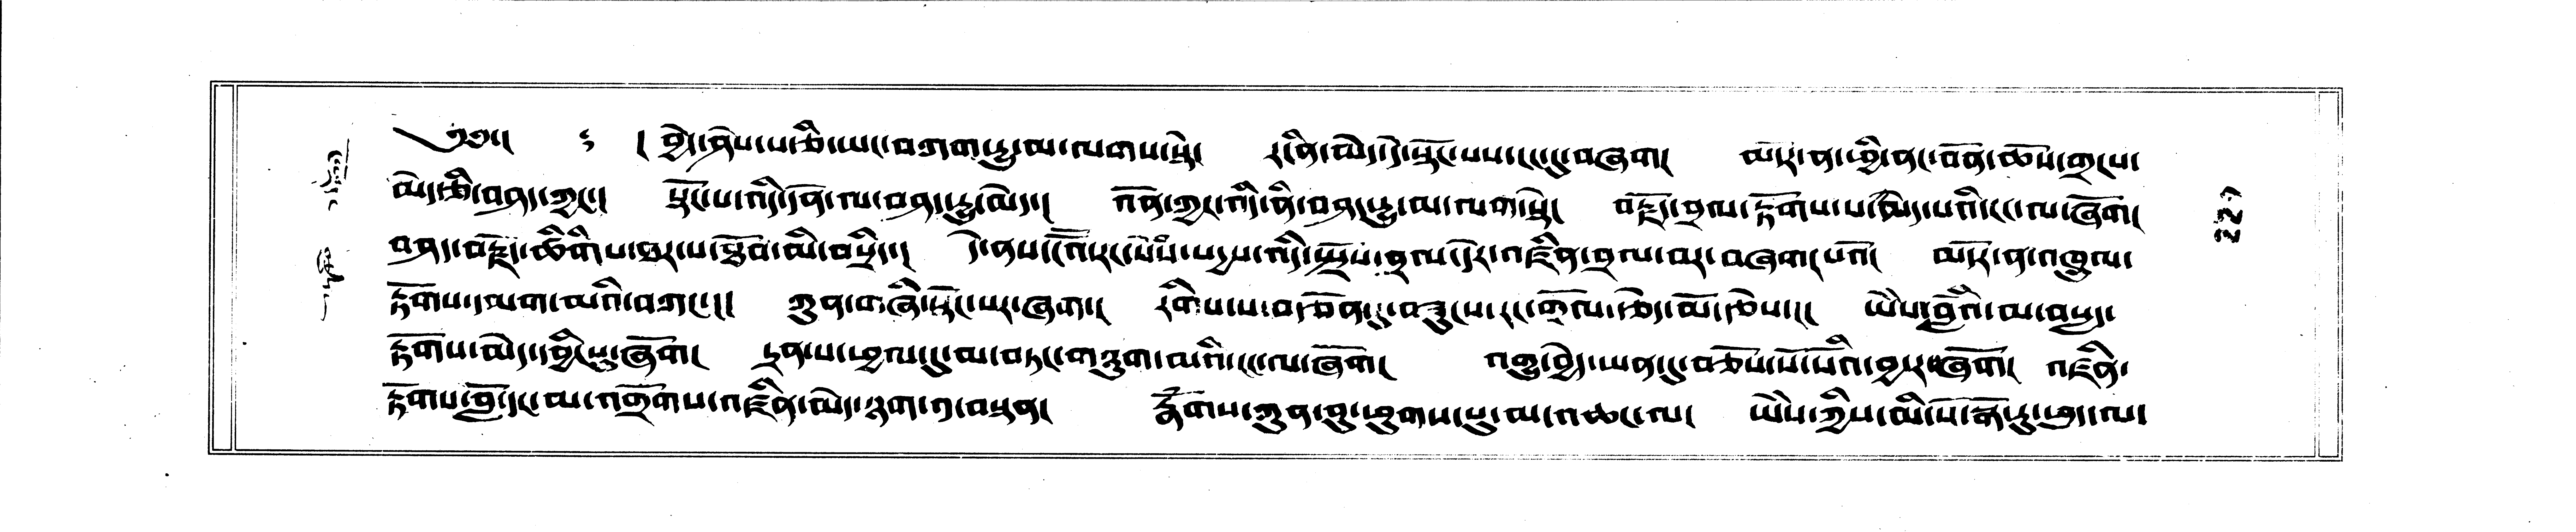བྱེད་ཀྱིས་ཤེས་པ་ཅི་ཡང་བཀག་རྒྱུ་མ་ལགས་སྟེ། རང་བཞིན་མེད་དེ་སྟོང་པའི་ངང་ལ་བཞག མདོར་ན་ཕྱི་ནང་བོན་ཆོས་གྲངས་
མེད་ཅི་བཤད་ཀྱང་། སྟོང་པ་འདི་ཉིད་ཀྱིས་དོན་ལ་བཤད་རྒྱུ་མེད། འོན་ཀྱང་འདི་ནི་བཤད་རྒྱུ་མ་ལགས་སྟེ། བརྗོད་བྲལ་རྟོག་པ་མེད་པའི་དོན་ལ་ཞོག
བཤད་བརྗོད་ཚིག་གིས་ཐར་པ་ཐོབ་མི་སྲིད། དེ་ནས་ངོའོ་རང་སེམས་སངས་རྒྱས་འདི། སྤྲོས་བྲལ་དེར་འཛིན་བྲལ་བར་བཞག་པའོ། མདོར་ན་འཁྲུལ་
རྟོག་དམག་མིའི་མ་བཀང་ཀུན་གཞི་སྟོང་པར་ཞོག རིག་པ་བརྩོན་དུ་མ་བཟུངས་རང་གྲོལ་གྱིས་རྩེད་མོ་རྩེས། ཡེ་ཤེས་བློའི་མ་བསླད་
རྟོག་མེད་དབྱིངས་སུ་ཞོག དྲན་པ་ཕྱལ་དུ་མ་བཏང་གཉུག་མའི་དོན་ལ་ཞོག འགྱུ་བྱེད་ཡན་དུ་མ་བཅོལ་སོ་པའི་བྱ་ར་ཞོག འཛིན་
རྟོག་བློ་དང་མ་འགྲོག་འཛིན་མེད་ཉག་གཅིག་བསྟེན། རྣམ་རྟོག་རྐུན་བུ་ཕུགས་སུ་མ་འཆང་ལ། ཡེ་ཤེས་ཀྱི་མི་ཕོ་སྒོ་རུ་ཕུད་ལ་